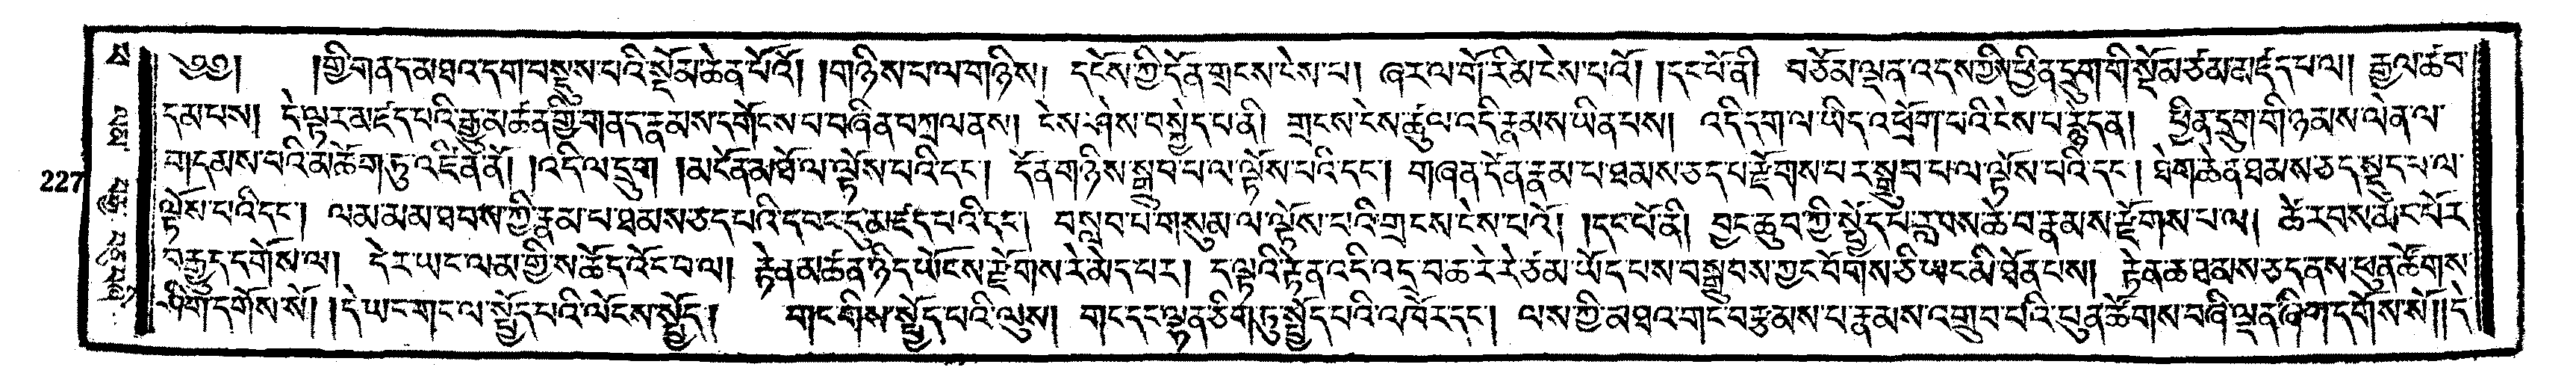༄༅། །གྱི་གནད་མཐའ་དག་བསྡུས་པའི་སྡོམ་ཆེན་པོའོ། །གཉིས་པ་ལ་གཉིས། དངོས་ཀྱི་དོན་གྲངས་ངེས་པ། ཞར་ལ་གོ་རིམ་ངེས་པའོ། །དང་པོ་ནི། བཅོམ་ལྡན་འདས་ཀྱིས་ཕྱིན་དྲུག་གི་སྡོམ་ཙམ་མཛད་པ་ལ། རྒྱལ་ཚབ་
དམ་པས། དེ་ལྟར་མཛད་པའི་རྒྱུ་མཚན་གྱི་གནད་རྣམས་དགོངས་པ་བཞིན་བཀྲལ་ནས། ངེས་ཤེས་བསྐྱེད་པ་ནི། གྲངས་ངེས་ཚུལ་འདི་རྣམས་ཡིན་པས། འདི་དག་ལ་ཡིད་འཕྲོག་པའི་ངེས་པ་རྙེད་ན། ཕྱིན་དྲུག་གི་ཉམས་ལེན་ལ་
གདམས་པའི་མཆོག་ཏུ་འཛིན་ནོ། །འདི་ལ་དྲུག །མངོན་མཐོ་ལ་ལྟོས་པའི་དང་། དོན་གཉིས་སྒྲུབ་པ་ལ་ལྟོས་པའི་དང་། གཞན་དོན་རྣམ་པ་ཐམས་ཅད་པ་རྫོགས་པར་སྒྲུབ་པ་ལ་ལྟོས་པའི་དང་། ཐེག་ཆེན་ཐམས་ཅད་སྡུད་པ་ལ་
ལྟོས་པའི་དང་། ལམ་མམ་ཐབས་ཀྱི་རྣམ་པ་ཐམས་ཅད་པའི་དབང་དུ་མཛད་པའི་དང་། བསླབ་པ་གསུམ་ལ་ལྟོས་པའི་གྲངས་ངེས་པའོ། །དང་པོ་ནི། བྱང་ཆུབ་ཀྱི་སྤྱོད་པ་རླབས་ཆེ་བ་རྣམས་རྫོགས་པ་ལ། ཚེ་རབས་མང་པོར་
བརྒྱུད་དགོས་ལ། དེར་ཡང་ལམ་གྱི་ས་ཆོད་འོང་བ་ལ། རྟེན་མཚན་ཉིད་ཡོངས་རྫོགས་རེ་མེད་པར། ད་ལྟའི་རྟེན་འདི་འདྲ་བ་ཆ་རེ་རེ་ཙམ་ཡོད་པས་བསྒྲུབས་ཀྱང་བོགས་ཅི་ཡང་མི་ཐོན་པས། རྟེན་ཆ་ཐམས་ཅད་ནས་ཕུན་ཚོགས་
ཤིག་དགོས་སོ། །དེ་ཡང་གང་ལ་སྤྱོད་པའི་ལོངས་སྤྱོད། གང་གིས་སྤྱོད་པའི་ལུས། གང་དང་ལྷན་ཅིག་ཏུ་སྤྱོད་པའི་འཁོར་དང་། ལས་ཀྱི་མཐའ་གང་བརྩམས་པ་རྣམས་འགྲུབ་པའི་ཕུན་ཚོགས་བཞི་ལྡན་ཞིག་དགོས་སོ། །དེ་